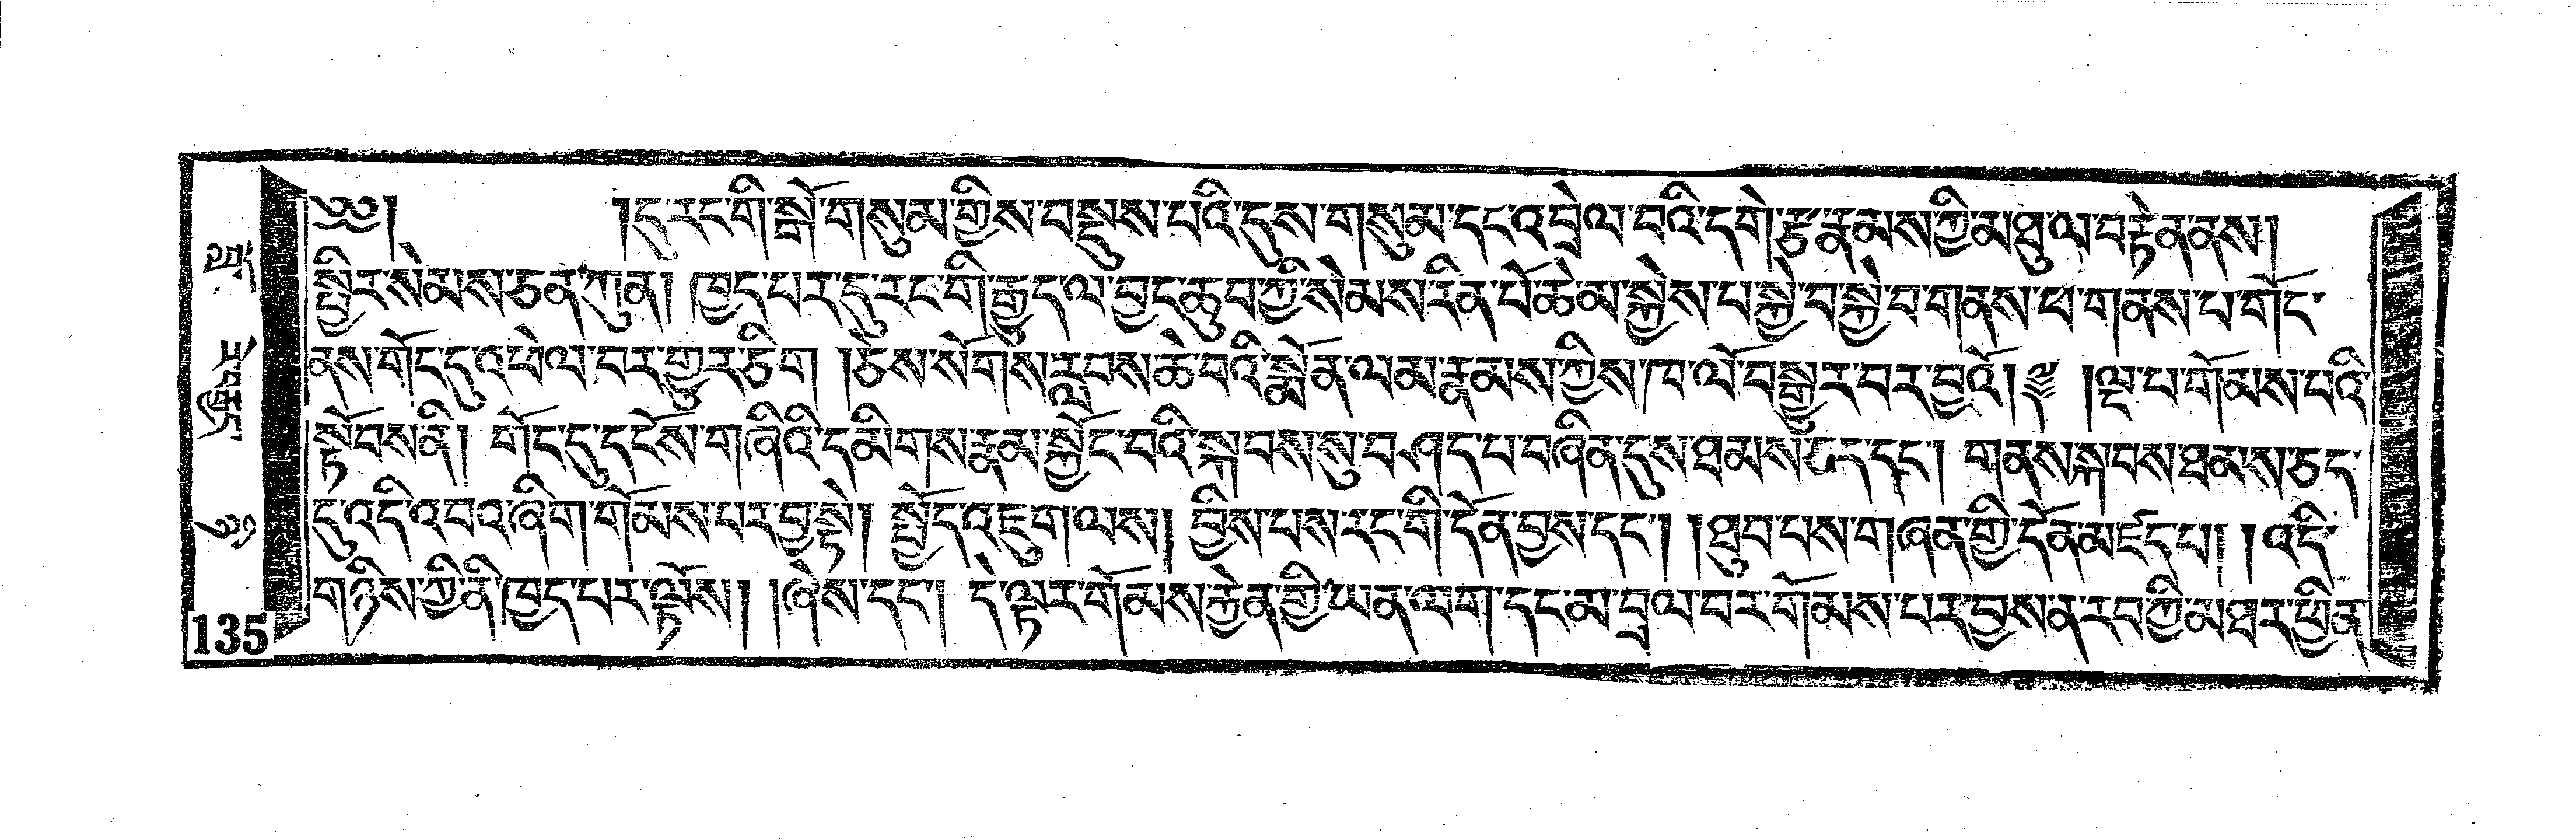༄༅། །དུ་རང་གི་སྒོ་གསུམ་གྱིས་བསྡུས་པའི་དུས་གསུམ་དང་འབྲེལ་བའི་དགེ་རྩ་རྣམས་ཀྱི་མཐུ་ལ་བརྟེན་ནས།
སྤྱིར་སེམས་ཅན་ཀུན། ཁྱད་པར་དུ་རང་གི་རྒྱུད་ལ་བྱང་ཆུབ་ཀྱི་སེམས་རིན་པོ་ཆེ་མ་སྐྱེས་པ་སྐྱེ་བ་སྐྱེ་བ་གནས་པ་གནས་པ་གོང་
ནས་གོང་དུ་འཕེལ་བར་གྱུར་ཅིག །ཅེས་སོགས་རླབས་ཆེ་བའི་སྨོན་ལམ་རྣམས་ཀྱིས་ཁ་ལོ་བསྒྱུར་བར་བྱའོ། ༈ །ལྔ་པ་གོམས་པའི་
སྟོབས་ནི། གོང་དུ་དངོས་གཞིའི་དམིགས་རྣམ་སྐྱོང་བའི་སྐབས་སུ་བཤད་པ་བཞིན་དུས་ཐམས་ཅད་དང་། གནས་སྐབས་ཐམས་ཅད་
དུ་འདི་འབའ་ཞིག་གོམས་པར་བྱ་སྟེ། སྤྱོད་འཇུག་ལས། བྱིས་པས་རང་གི་དོན་བྱས་དང་། །ཐུབ་པས་གཞན་གྱི་དོན་མཛད་པ། །འདི་
གཉིས་ཀྱི་ནི་ཁྱད་པར་ལྟོས། །ཞེས་དང་། དེ་ལྟར་གོམས་རྐྱེན་གྱི་ཡན་ལག་དང་མ་བྲལ་བར་གོམས་པར་བྱས་ན་རབ་ཀྱི་མཐར་ཕྱིན་